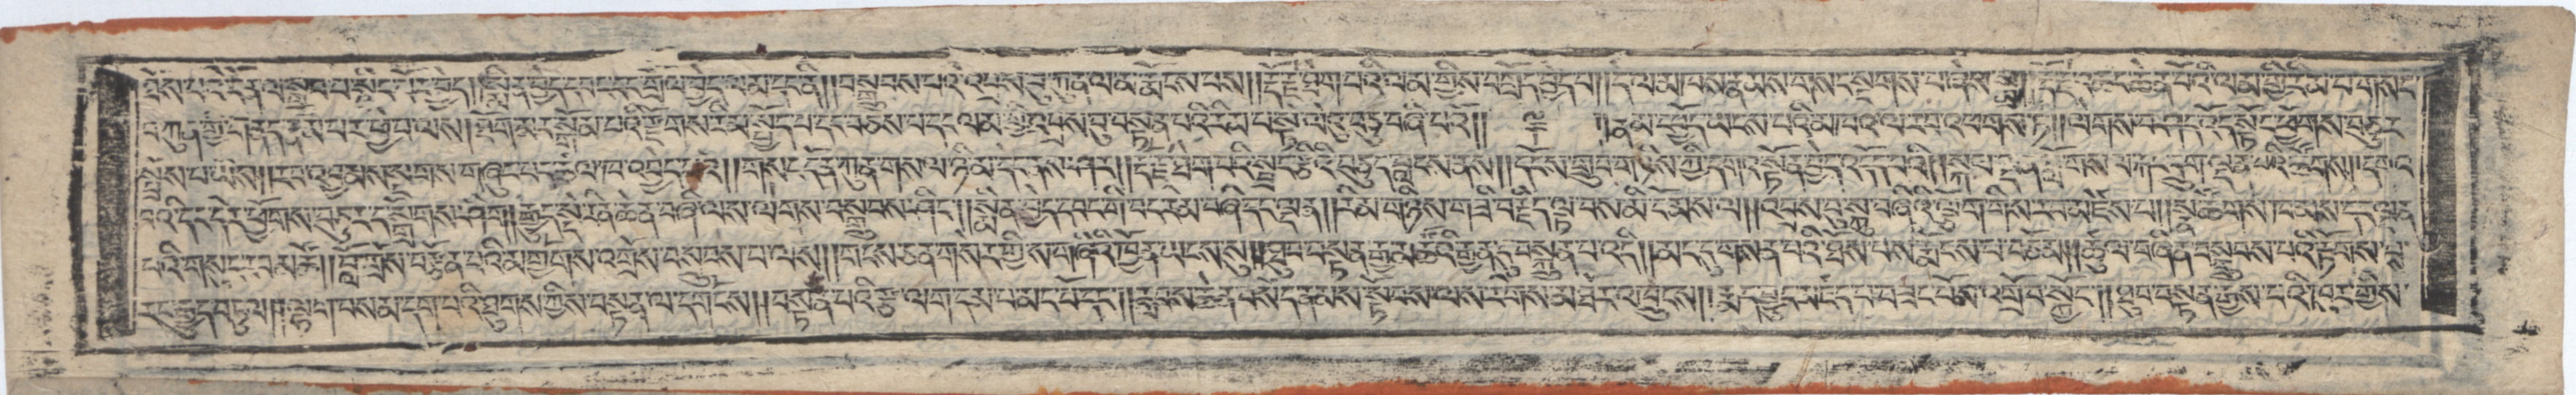ཐོས་པའི་དོན་ལ་སྒྲུབ་པ་སྙིང་པོར་བྱེད། །སྨིན་བྱེད་དབང་དང་གྲོལ་བྱེད་ལམ་དང་ནི། །བསྒྲུབས་པའི་འབྲས་བུ་ཀུན་ལ་མ་རྨོངས་པས། །རྡོ་རྗེ་ཐེག་པའི་ལམ་གྱིས་བགྲོད་བྱེད་པ། །དེ་ལ་མཁས་རྣམས་གསང་སྔགས་པ་ཞེས་སྨྲ། །རྡོ་རྗེ་འཆང་ཆེན་པོའི་ལམ་གྱི་རིམ་པ་གསང་
བ་ཀུན་གྱི་གནོད་རྣམ་པར་ཕྱེ་བ་ལས། ཐོག་མར་སྒོམ་པའི་རྫོགས་རིམ་སྤྱོད་པ་དང་བཅས་པ་དང་ལམ་གྱི་འབྲས་བུ་བསྟན་པའི་རིམ་པ་སྟེ་ལེའུ་བཅུ་བཞི་པའོ།། ༈ །།རྣམ་དཔྱོད་ཡངས་པའི་མཁའ་ལ་རབ་འཕགས་ཏེ། །ལེགས་བཤད་འོད་སྟོང་ཕྱོགས་བཅུར་
སྤྲོས་པ་ཡིས། །རབ་འབྱམས་སྔགས་གཞུང་པད་ཚལ་ཁ་འབྱེད་པའི། །གསང་དོན་ཀུན་གསལ་ཉི་མ་དེང་ནས་ཤར། །རྡོ་རྗེ་ཐེག་པའི་སྦྲང་རྩིའི་བཅུད་བླངས་ནས། །དངོས་གྲུབ་གཉིས་ཀྱི་དགའ་སྟོན་བྱེད་འདོད་པའི། །སྐལ་ལྡན་བློགས་ལ་རྐང་དྲུག་ལྡན་པའི་ཚོགས། །དགའ་
བའི་དང་དེར་ཕྱོགས་བཅུར་དེ་སྒྲོགས་ཤིག །རྒྱུད་སྡེ་རིན་ཆེན་བཞི་ལས་ལེགས་བསྒྲུབས་ཤིང་། །སྨིན་བྱེད་དབང་གི་བང་རིམ་བཞི་དང་ལྡན། །རིམ་གཉིས་གཟི་བརྗིད་ལྟ་བས་མི་ངོམས་ལ། །འབྲས་བུ་སྐུ་བཞིའི་ལྕོག་གིས་རབ་མཛེས་པ། །སྣ་ཚོགས་ཁམས་དང་ལྡན་
པའི་གསུང་རབ་མཚེ། །བློ་གྲོས་བརྩོན་པའི་མགྱོགས་འགྲོས་བསྲུབས་པ་ལས། །གངས་ཅན་གསེར་གྱི་ས་གཞིའི་ཁྱོན་ཡངས་སུ། །ཐུབ་བསྟན་རྒྱ་མཚོའི་རྒྱན་དུ་བསྐྲུན་པ་འདི། །མང་དུ་གསན་པའི་ཐོས་པས་རྨོངས་པ་བཅོམ། །ཚུལ་བཞིན་བསྒྲུབས་པའི་རྟོགས་བས་
རང་རྒྱུད་བཏུལ། །ལྷག་བསམ་དག་པའི་ཐུགས་ཀྱིས་བསྟན་ལ་དགོངས། །བསྟན་པའི་རྩ་ལག་དམ་པ་མང་པོ་དང་། །རླབས་ཆེན་བསོད་ནམས་སྟོབས་ལས་རིགས་མཐོར་འཁྲུངས། །རྨད་བྱུང་མཛད་པ་བཟང་པོས་འགྲོ་བ་སྐྱོང་། །ཐུབ་བསྟན་རྒྱས་པའི་ཁུར་གྱིས་